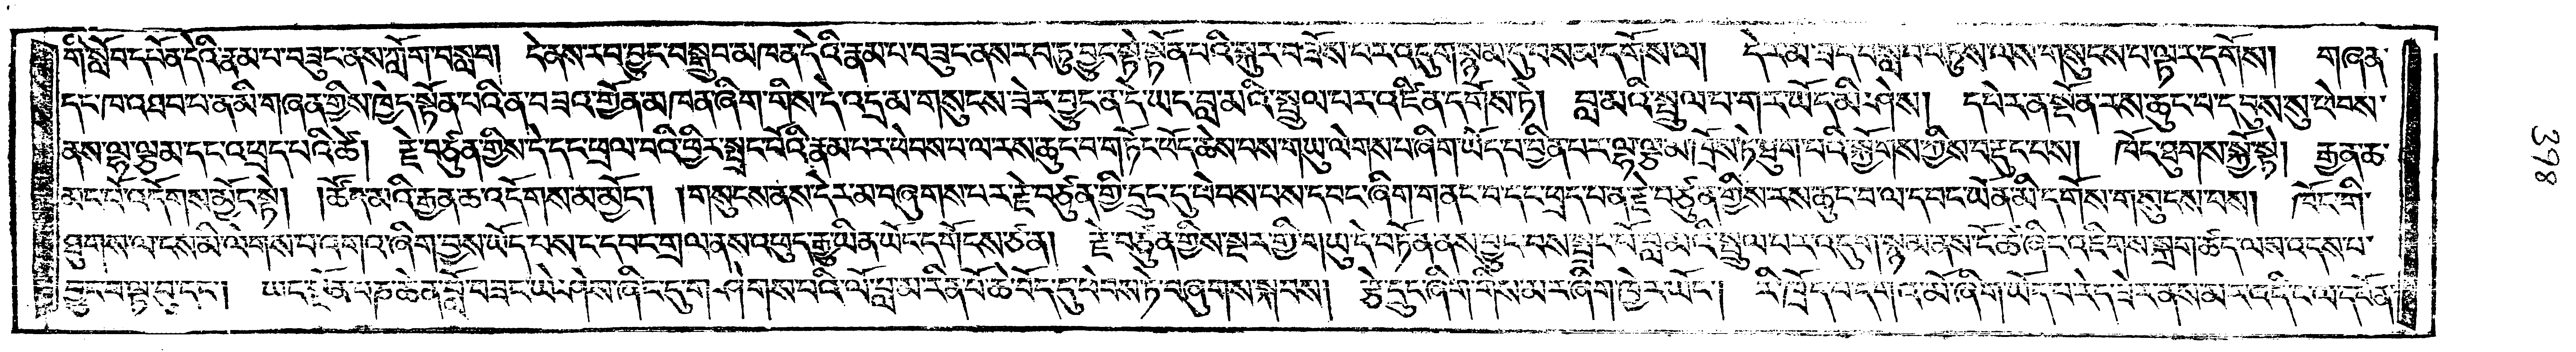གི་སློབ་དཔོན་དེའི་རྣམ་པ་བཟུང་ནས་ཀློག་བསླབ། དེ་ནས་རབ་བྱུང་བསྒྲུབ་མཁན་དེའི་རྣམ་པ་བཟུང་ནས་རབ་ཏུ་བྱུང་སྟེ་སྟོན་པའི་སྐུར་བཟོས་པར་འདུག་སྙམ་དུ་བསམ་དགོས་ལ། དེར་མ་ཟད་བསླབ་བཏུས་ལས་གསུངས་པ་ལྟར་དགོས། གཞན་
དང་ཁ་འཐབ་པ་ན་མི་གཞན་གྱིས་ཁྱེད་སྟོན་པའི་ན་བཟའ་གྱོན་མཁན་ཞིག་གིས་དེ་འདྲ་མ་གསུངས་ཟེར་བྱུང་ན་དེ་ཡང་བླ་མའི་སྤྲུལ་པར་འཛིན་དགོས་ཏེ། བླ་མའི་སྤྲུལ་པ་གང་ཡོད་མི་ཤེས། དཔེར་ན་སྔོན་རས་ཆུང་བ་དབུས་སུ་ཕེབས་
ནས་ལྷ་ལྕམ་དང་འཕྲད་པའི་ཚེ། རྗེ་བཙུན་གྱིས་དེ་དང་ཕྲལ་བའི་ཕྱིར་སྤྲང་པོའི་རྣམ་པར་ཕེབས་པ་ལངས་ཆུང་བ་གཏོང་ཕོད་ཆེས་བས་གཡུ་ལེགས་པ་ཞིག་ཡོད་པ་བྱིན་པར་ལྷ་ལྕམ་ཁྲོས་ཏེ་ཐུག་པའི་སྐྱོགས་ཀྱིས་བརྡུང་བས། ཁོང་ཐུགས་སྐྱོ་སྟེ། རྒྱན་ཆ་
མང་པོ་འདོགས་མྱོང་སྟེ། །ཚོད་མའི་རྒྱན་ཆ་འདོགས་མ་མྱོང་། །གསུངས་ནས་དེར་མ་བཞུགས་པར་རྗེ་བཙུན་གྱི་དྲུང་དུ་ཕེབས་པས་དབང་ཞིག་གནང་བ་དང་ཕྲད་པ་ན་རྗེ་བཙུན་གྱིས་རས་ཆུང་བ་ལ་དབང་ཡོན་མི་དགོས་གསུངས་པས། ཁོང་གི་
ཐུགས་ལ་ངས་མི་ལེགས་པ་འགའ་ཞིག་བྱས་ཡོད་པས་ང་དབང་གྲལ་ནས་འཕུད་རྒྱུ་ཡིན་ཡོང་དགོངས་ཙ་ན། རྗེ་བཙུན་གྱིས་སྔར་གྱི་གཡུ་དེ་བཏོན་ནས་བྱུང་བས་སྤྲང་པོ་བླ་མའི་སྤྲུལ་པར་འདུག་སྙམ་ནས་ངོ་ཚ་ཞིང་འཇིགས་སྐྲག་ཚད་ལས་འདས་པ་
བྱུང་བ་ལྟ་བུ་དང་། ཡང་སྔོན་པཎ་ཆེན་བློ་བཟང་ཡེ་ཤེས་ཞིང་དུ་གཤེགས་པའི་ཡོ་བླ་མ་རིན་པོ་ཆེ་བོད་དུ་ཕེབས་ཏེ་བཞུགས་སྐབས། རྩེ་དྲུང་ཞིག་གིས་མར་ཞིག་ཁྱེར་ཡོང་། རི་ཁྲོད་པ་དགའ་མོ་ཞིག་ཡོད་པ་རེད་ཟེར་ནས་མར་འདི་ང་ལ་དཔོན་